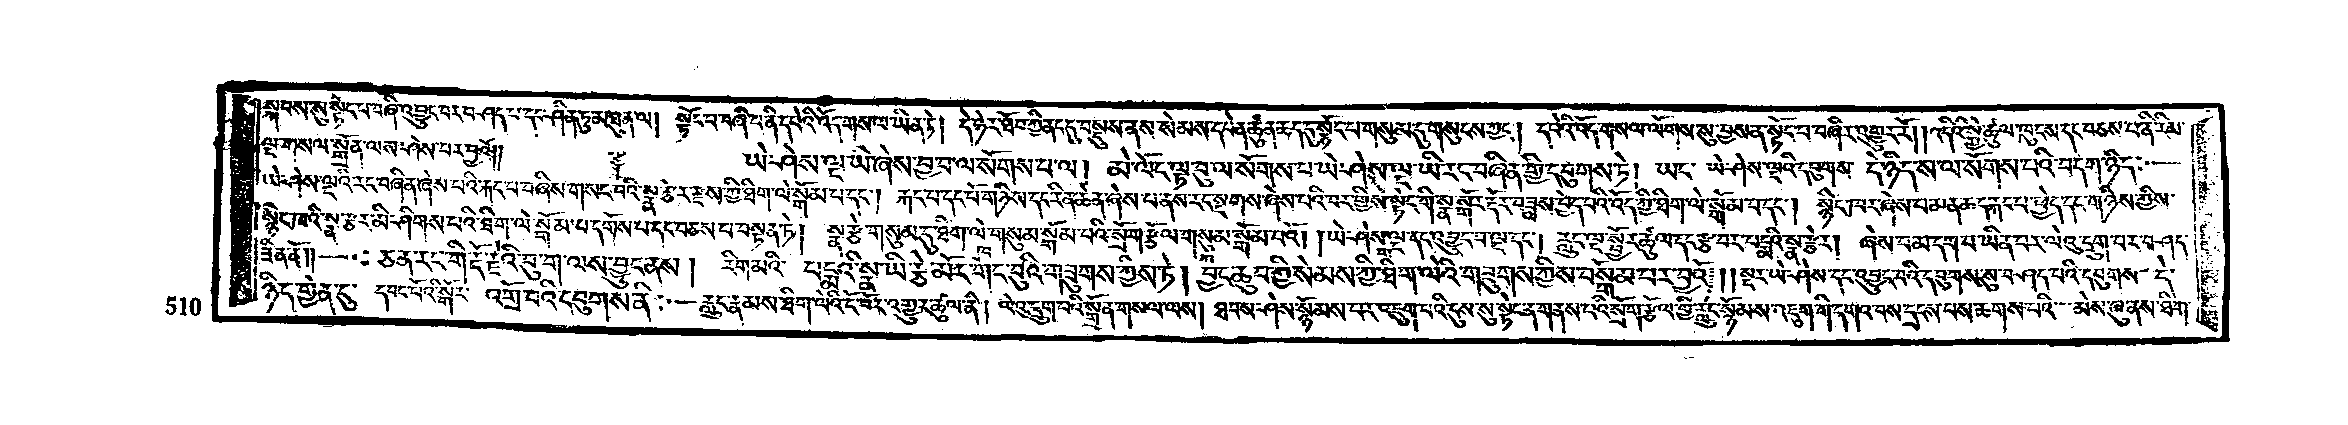སྐབས་སུ་སྟོང་པ་བཞི་འབྱུང་བར་བཤད་པ་དང་ཤིན་ཏུ་མཐུན་ལ། སྟོང་པ་བཞི་པ་ནི་དཔེའི་འོད་གསལ་ཡིན་ཏེ། དེ་ཉེར་ཐོབ་ཀྱི་ནང་དུ་བསྡུས་ནས་སེམས་དབེན་ཚུན་ཆད་དུ་སྟོང་པ་གསུམ་དུ་གསུངས་ཀྱང་། དཔེའི་འོད་གསལ་ལོགས་སུ་བྱས་ན་སྟོང་པ་བཞིར་འགྱུར་རོ། །འདིའི་སྐྱེ་ཚུལ་ཁུངས་དང་བཅས་པ་ནི་རིམ་
ལྔ་གསལ་སྒྲོན་ལས་ཤེས་པར་བྱའོ།། ༈ ཡེ་ཤེས་ལྔ་ཡི་ཞེས་བྱ་བ་ལ་སོགས་པ་ལ། མེ་ལོང་ལྟ་བུ་ལ་སོགས་པ་ཡེ་ཤེས་ལྔ་ཡི་རང་བཞིན་གྱི་དབུགས་ཏེ། ཡང་ཡེ་ཤེས་ལྔའི་དབུགས་དེ་ཉིད་ས་ལ་སོགས་པའི་བདག་ཉིདཿ
ཡེ་ཤེས་ལྔའི་རང་བཞིན་ཞེས་པའི་རྐང་པ་བཞིས་གསང་བའི་སྣ་རྩེར་རྫས་ཀྱི་ཐིག་ལེ་སྒོམ་པ་དང་། རྐང་པ་དང་པོ་གཉིས་དང་རིན་ཆེན་ཞེས་པ་ནས་རང་སྔགས་ཞེས་པའི་བར་གྱིས་སྟེང་གི་སྣ་སྒོར་རྡོར་བཟླས་བྱེད་པའི་འོད་ཀྱི་ཐིག་ལེ་སྒོམ་པ་དང་། སྙིང་ཁར་ཞེས་པ་མན་ཆད་རྐང་པ་ཕྱེད་དང་གཉིས་ཀྱིས་
སྙིང་ཁའི་སྣ་རྩེར་མི་ཤིགས་པའི་ཐིག་ལེ་སྒོམ་པ་དགོས་པ་དང་བཅས་པ་བསྟན་ཏེ། སྣ་རྩེ་གསུམ་དུ་ཐིག་ལེ་གསུམ་སྒོམ་པའི་སྲོག་རྩོལ་གསུམ་སྒོམ་པའོ། །ཡེ་ཤེས་ལྔ་དང་འབྱུང་བ་ལྔ་དང་། རླུང་ལྔ་སྦྱོར་ཚུལ་དང་རྩ་བར་པདམའི་སྣ་རྩེར། ཞེས་པ་མ་དག་པ་ཡིན་པར་ལེའུ་དྲུག་པར་བཤད་
ཟིན་ནོ།། .H ཅན་རང་གི་རྡོ་རྗེའི་བུ་ག་ལས་བྱུང་ནས། རིག་མའི་པདམའི་སྣ་ཡི་རྩེ་མོར་ཁ་གང་བུའི་གཟུགས་ཀྱིས་ཏེ། ཀ་བྱང་ཆུབ་ཀྱི་སེམས་ཀྱི་ག་ཐིག་ལེའི་གཟུགས་ཀྱིས་བསྒོམ་པར་བྱའོ། ། སྔར་ཡེ་ཤེས་དང་འབྱུང་བའི་དབུགས་སུ་བཤད་པའི་དབུགས་དེ་
ཉིད་གྱེན་དུ་དབང་པོའི་སྒོར་འགྲོ་བའི་དབུགས་ནི་H.་རླུང་རྣམས་ཐིག་ལེའི་ངོ་བོར་འགྱུར་ཚུལ་ནི། ལེའུ་དྲུག་པའི་སྒྲོན་གསལ་ལས། ཐབས་ཤེས་སྙོམས་པར་འཇུག་པའི་དུས་སུ་སྟེང་ན་གནས་པའི་སྲོག་རྩོལ་གྱི་རླུང་སྙོམས་འཇུག་གི་དགའ་བས་དྲངས་པས་ཆགས་པའི་མེས་ཞུ་ནས་ཐིག་